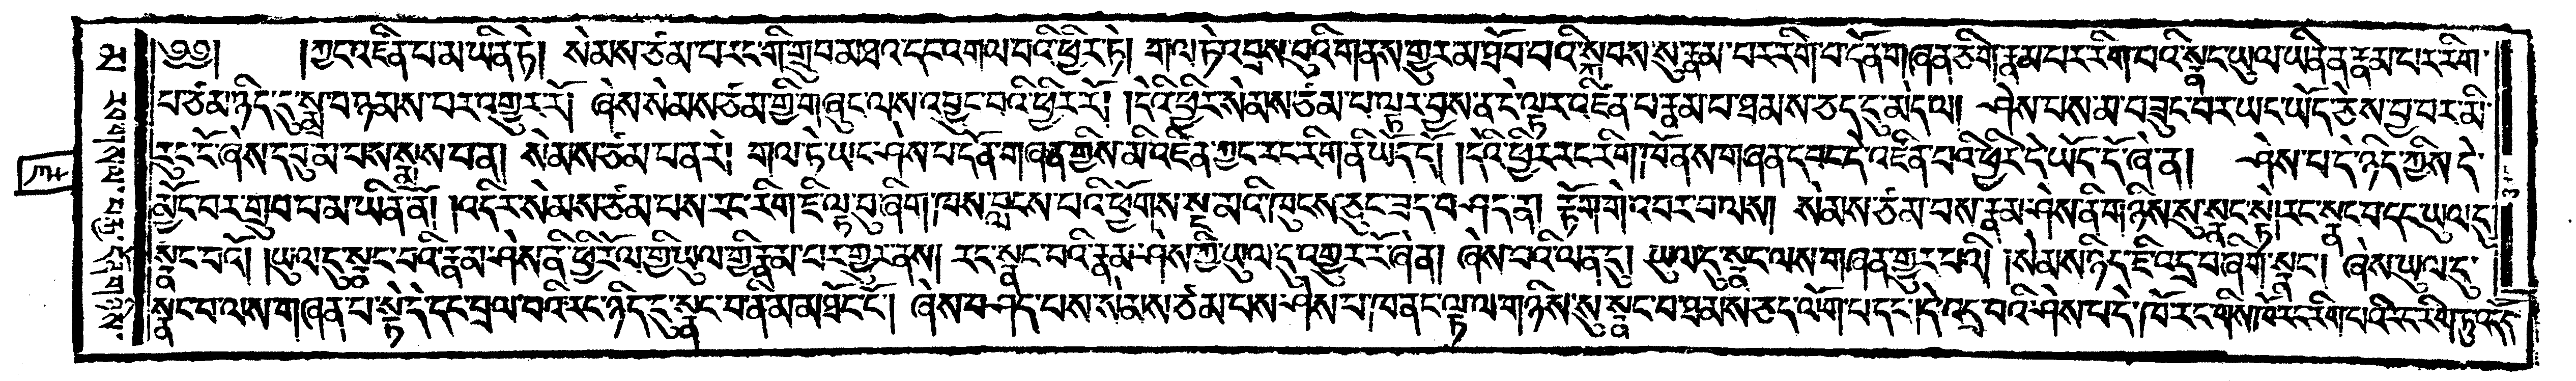༄༅། །ཀྱང་འཛིན་པ་མ་ཡིན་ཏེ། སེམས་ཙམ་པ་རང་གི་གྲུབ་མཐའ་དང་འགལ་བའི་ཕྱིར་ཏེ། གལ་ཏེ་འབྲས་བུའི་གནས་གྱུར་མ་ཐོབ་པའི་སྐབས་སུ་རྣམ་པར་རིག་པ་དོན་གཞན་ཅིག་རྣམ་པར་རིག་པའི་སྣང་ཡུལ་ཡིན་ན་རྣམ་པར་རིག་
པ་ཙམ་ཉིད་དུ་སྨྲ་བ་ཉམས་པར་འགྱུར་རོ། ཞེས་སེམས་ཙམ་གྱི་གཞུང་ལས་འབྱུང་བའི་ཕྱིར་རོ། །དེའི་ཕྱིར་སེམས་ཙམ་པ་ལྟར་བྱས་ན་དེ་ལྟར་འཛིན་པ་རྣམ་པ་ཐམས་ཅད་དུ་མེད་ལ། ཤེས་པས་མ་བཟུང་བར་ཡང་ཡོད་ཅེས་བྱ་བར་མི་
རུང་ངོ་ཞེས་དབུ་མ་པས་སྨྲས་པ་ན། སེམས་ཙམ་པ་ན་རེ། གལ་ཏེ་ཡང་ཤེས་པ་དོན་གཞན་གྱིས་མི་འཛིན་ཀྱང་རང་རིག་ནི་ཡོད་དོ། །དེའི་ཕྱིར་རང་རིག་ཁོ་ནས་གཞན་དབང་དེ་འཛིན་པའི་ཕྱིར་དེ་ཡོད་དོ་ཞེ་ན། ཤེས་པ་དེ་ཉིད་ཀྱིས་དེ་
མྱོང་བར་གྲུབ་པ་མ་ཡིན་ནོ། །འདིར་སེམས་ཙམ་པས་རང་རིག་ཇི་ལྟ་བུ་ཞིག་ཁས་བླངས་པའི་ཕྱོགས་སྔ་མའི་ཁུངས་ཅུང་ཟད་བཤད་ན། རྟོག་གེ་འབར་བ་ལས། སེམས་ཙམ་པས་རྣམ་ཤེས་ནི་གཉིས་སུ་སྣང་སྟེ། རང་སྣང་བ་དང་ཡུལ་དུ་
སྣང་བའོ། །ཡུལ་དུ་སྣང་བའི་རྣམ་ཤེས་ནི་ཕྱི་རོལ་གྱི་ཡུལ་གྱི་རྣམ་པར་གྱུར་ནས། རང་སྣང་བའི་རྣམ་ཤེས་ཀྱི་ཡུལ་དུ་འགྱུར་རོ་ཞེ་ན། ཞེས་པའི་ལན་དུ། ཡུལ་དུ་སྣང་ལས་གཞན་གྱུར་པའི། །སེམས་ཉིད་ཇི་འདྲ་བ་ཞིག་སྣང་། ཞེས་ཡུལ་དུ་
སྣང་བ་ལས་གཞན་པ་སྟེ་དེ་དང་བྲལ་བའི་རང་ཉིད་དུ་སྣང་བ་ནི་མ་མཐོང་ངོ། ཞེས་བཤད་པས་སེམས་ཙམ་པས་ཤེས་པ་ཁ་ནང་ལྟ་ལ་གཉིས་སུ་སྣང་བ་ཐམས་ཅད་ལོག་པ་དང་། དེ་འདྲ་བའི་ཤེས་པ་དེ་ཁོ་རང་གིས་ཁོ་རང་རིག་པའི་རང་རིག་ཏུ་འདོད་